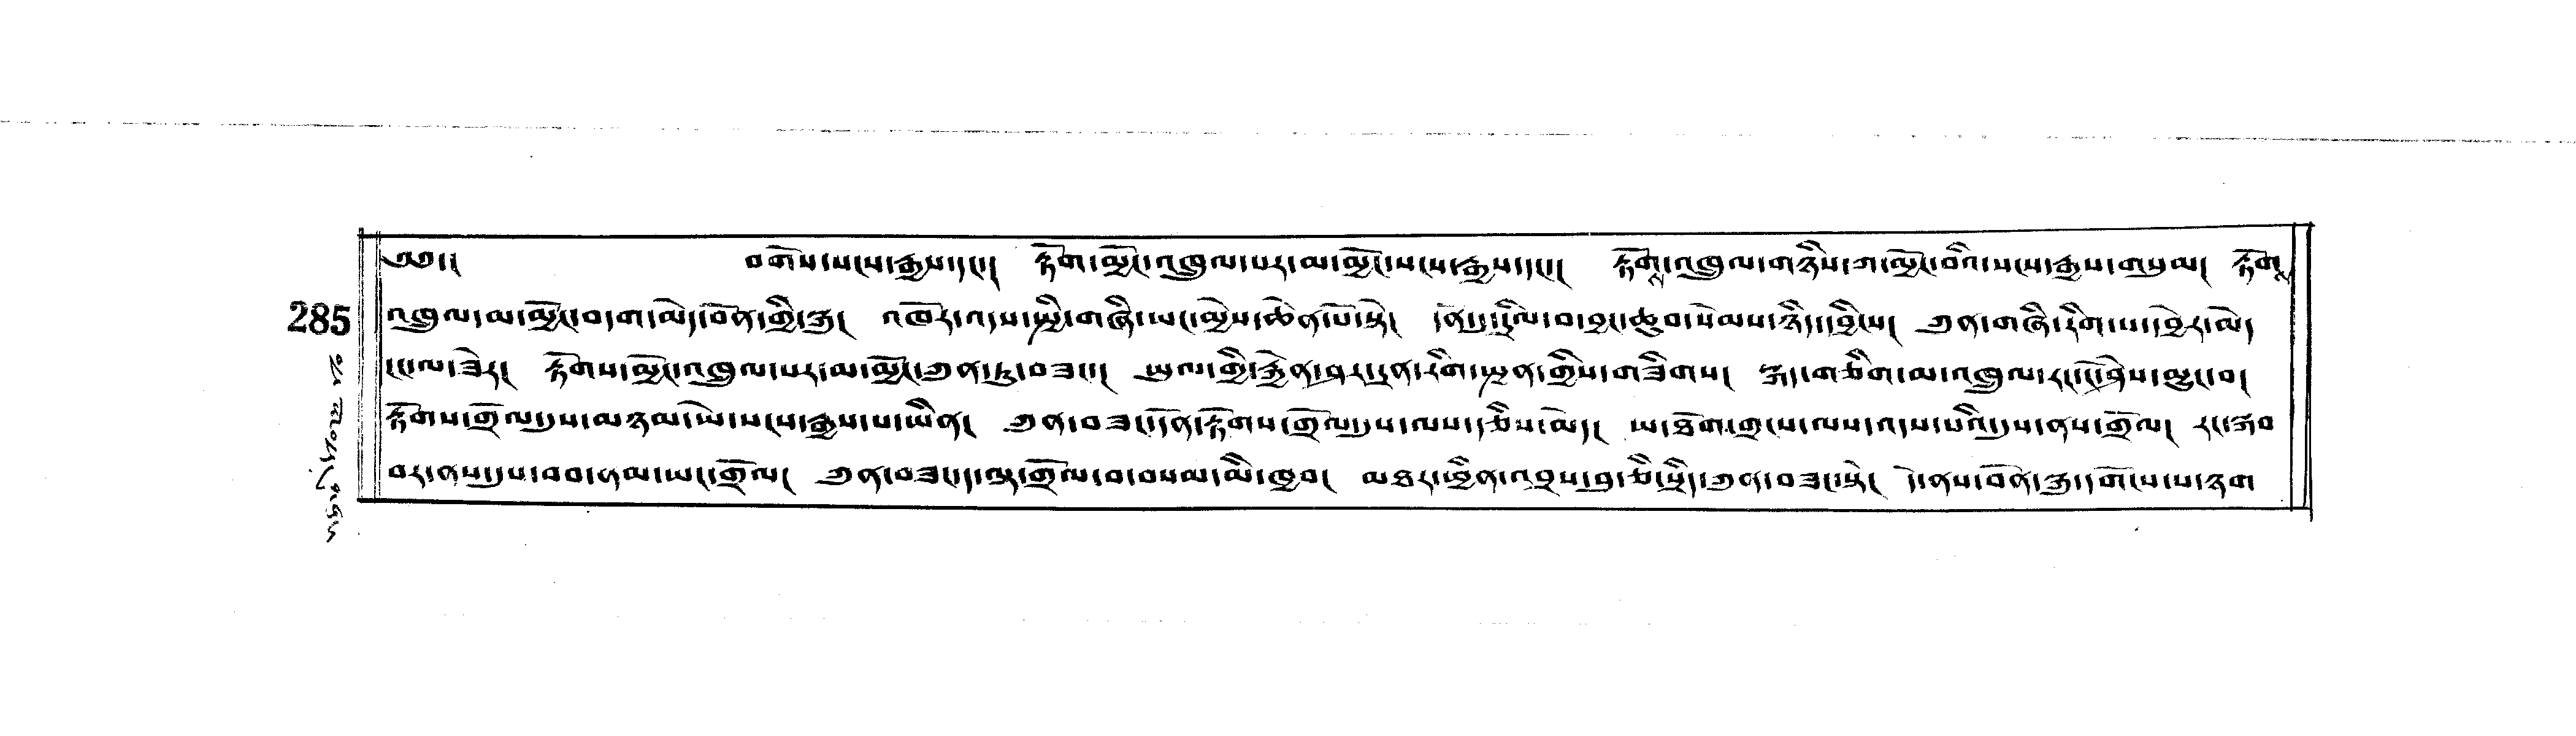བགོས་སངས་རྒྱས་དང་། རྟོགས་མྱོང་འཁྲུལ་པར་མ་མྱོང་སངས་རྒྱས་དང་། རྟོགས་འཁྲུལ་གཉིས་ཀ་མྱོང་བའི་སངས་རྒྱས་གསུམ། རྟོགས་
འཁྲུལ་མ་མྱོང་བདག་མེད་བོན་གྱི་སྐུ། འཁོར་འདས་སྤྱི་གཞི་ཡང་མྱེས་ཆེན་པོ་སྟེ། དོན་དུ་དྲིལ་བ་བྱང་ཆུབ་སེམས་ཉིད་དབྱིངས། ཀུན་གཞི་རིག་པ་དབྱེར་མེད་
ངང་ལ་ཟེར། རྟོགས་མྱོང་འཁྲུལ་པར་མ་མྱོང་ཀུན་ཏུ་བཟང་། ཡུལ་གྱི་རྐྱེན་ཤར་དྲན་རིག་སྤྱན་གྱིས་གཟིགས། སྐད་ཅིག་མ་འཁྲུལ་རང་ངོ་ཤེས་མྱོང་བ། 
རྟོགས་གྲོལ་དུས་མཉམ་ཡེ་སངས་རྒྱས་པ་ཡིན། ཀུན་བཟང་དོན་རྟོགས་གྲོལ་དུས་ལས་རྩིས་མེད། ཡ་ཐོག་གྲངས་ལས་འདས་པའི་དུས་ནས་གྲོལ། རང་སྐབས་
བར་ནས་དུས་བབ་ནམ་ཡང་གྲོལ། ཀུན་བཟང་ད་ལྟ་གྲོལ་བ་བསམ་མི་ཁྱབ། མཐར་ཕྱིན་འབྲས་བུ་ཅི་སྲིད་ཀུན་བཟང་སྟེ། དེ་ནས་བོན་སྐུ་དགོངས་པ་ཉག་